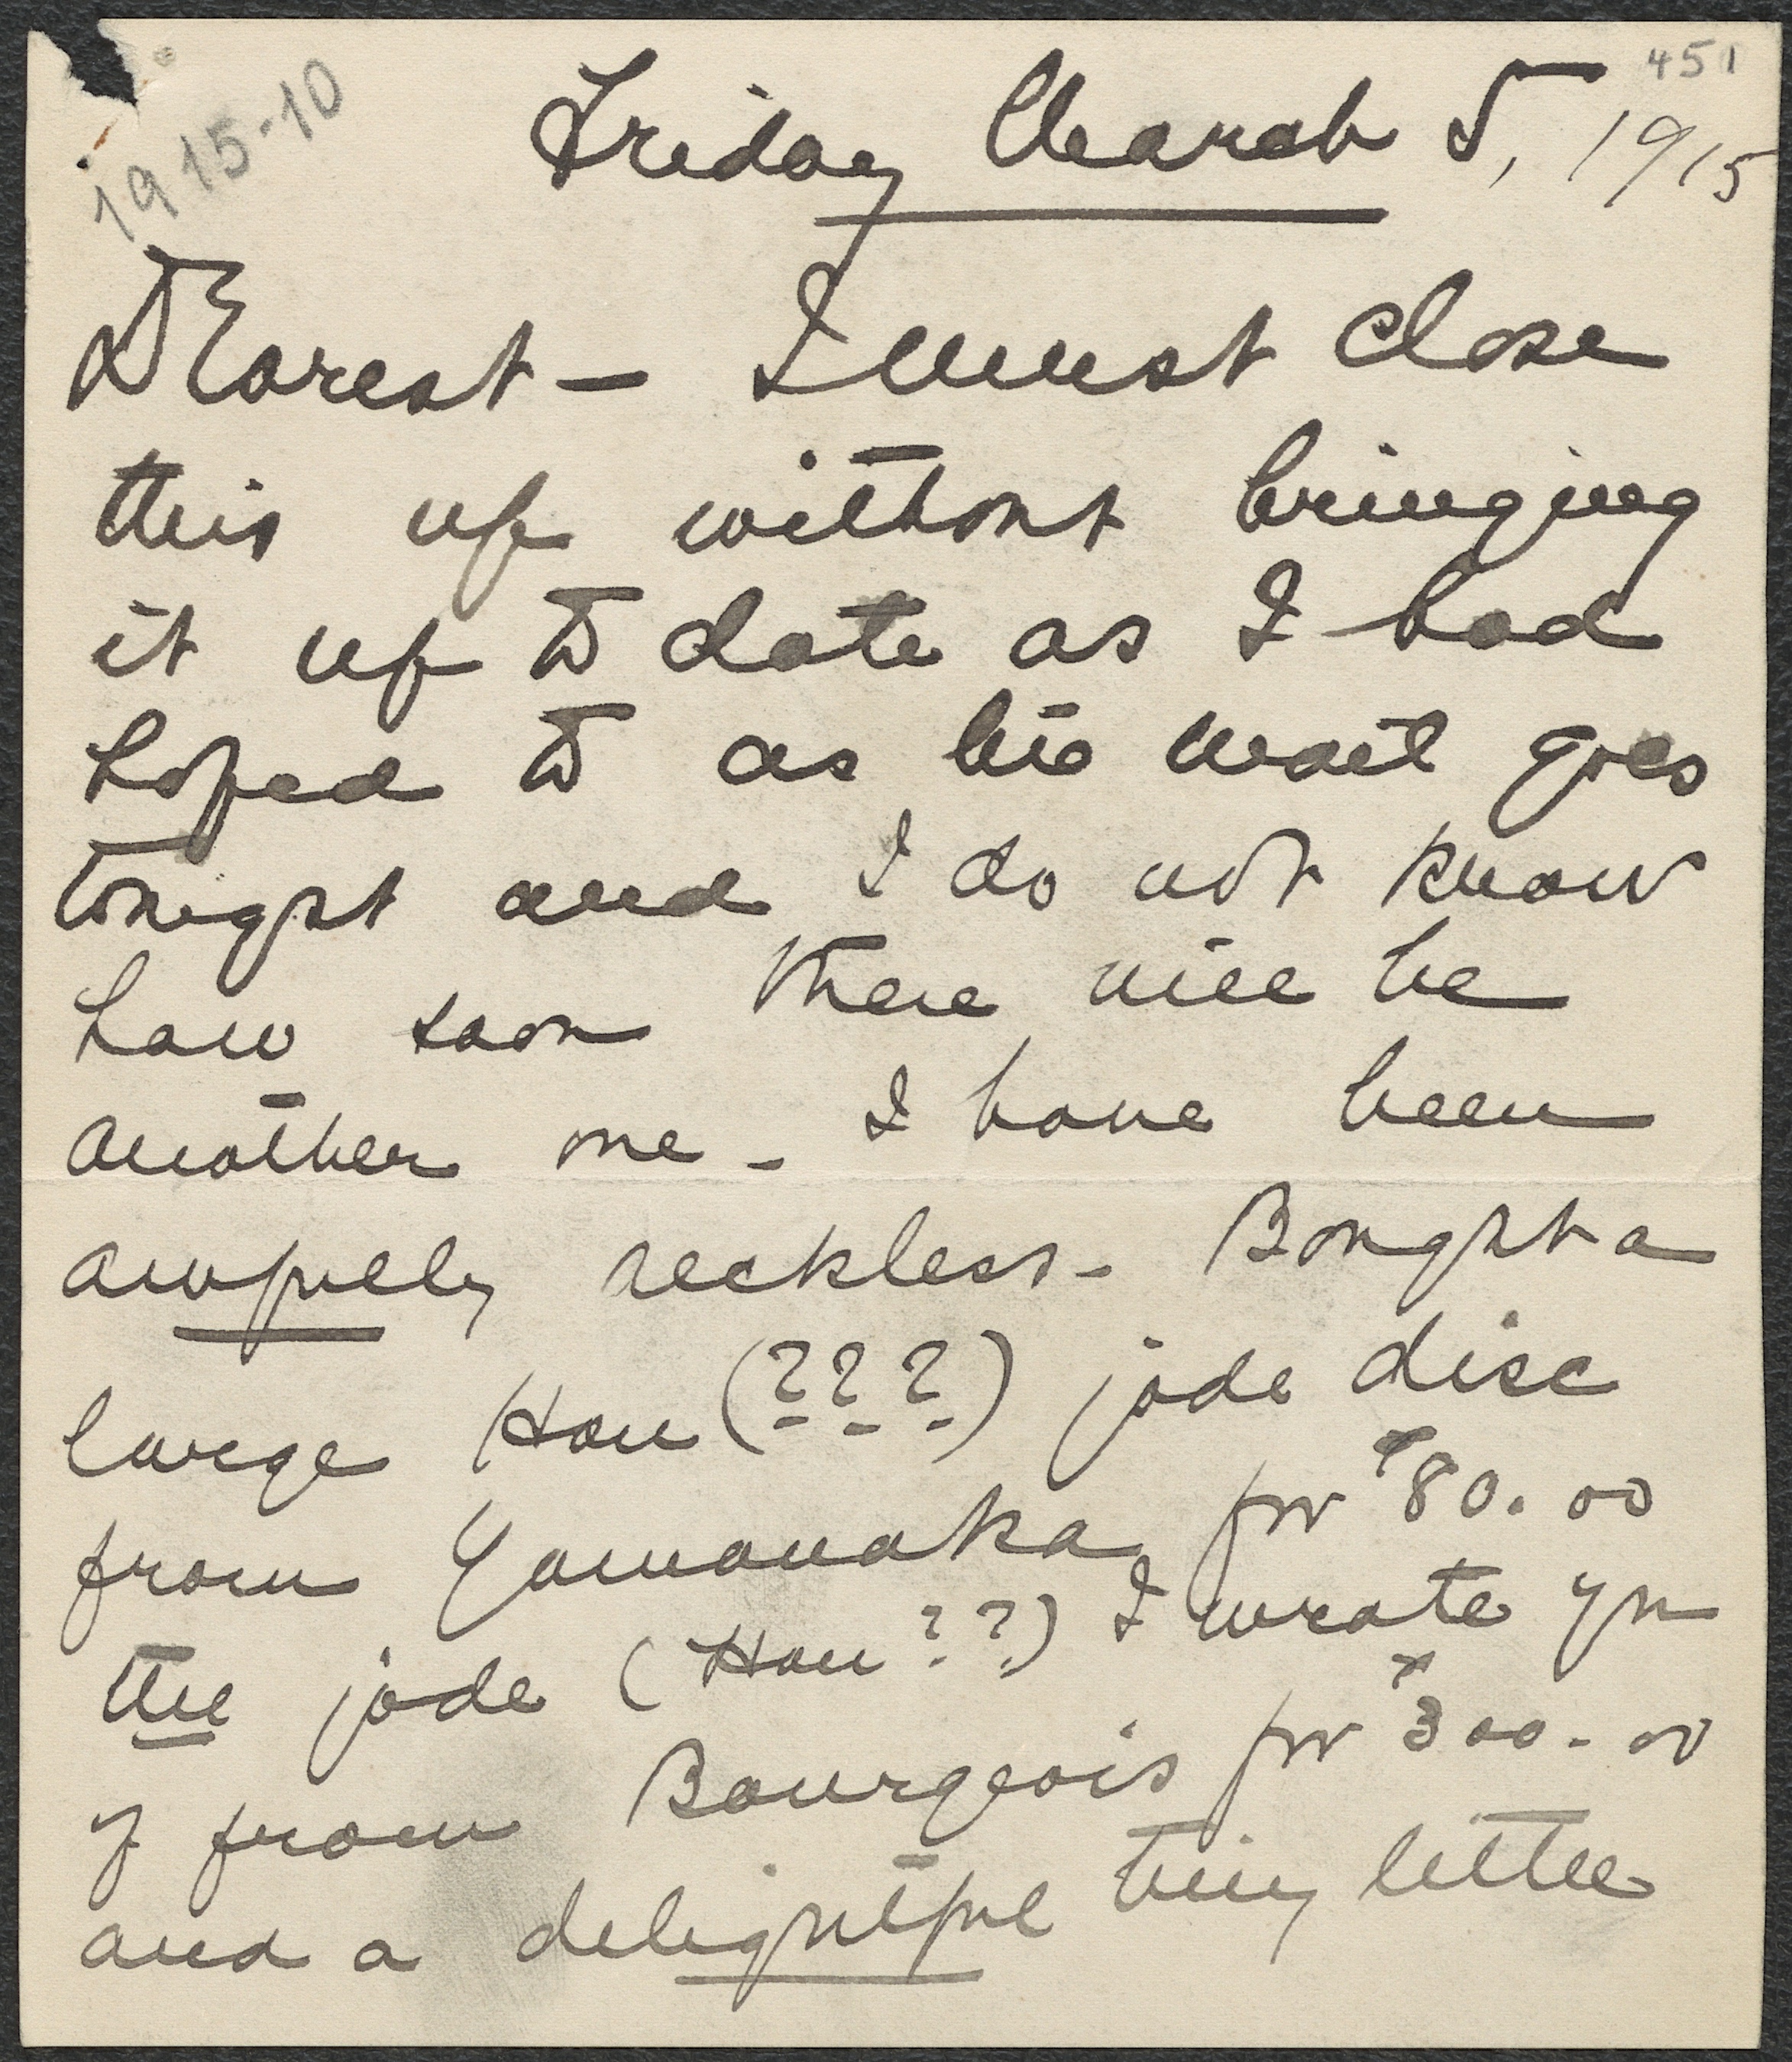Friday, Mar. 5
Dearest – I must close this up without bringing it up to date as I had hoped to as the mail goes tonight and I do not know how soon there will be another one – I have been awfully reckless – Bought a large Han (???) jade disc from Yamanaka for $80.00 the jade (Han??) I wrote you of from Bourgeois for $300.00 and a delightful tiny little